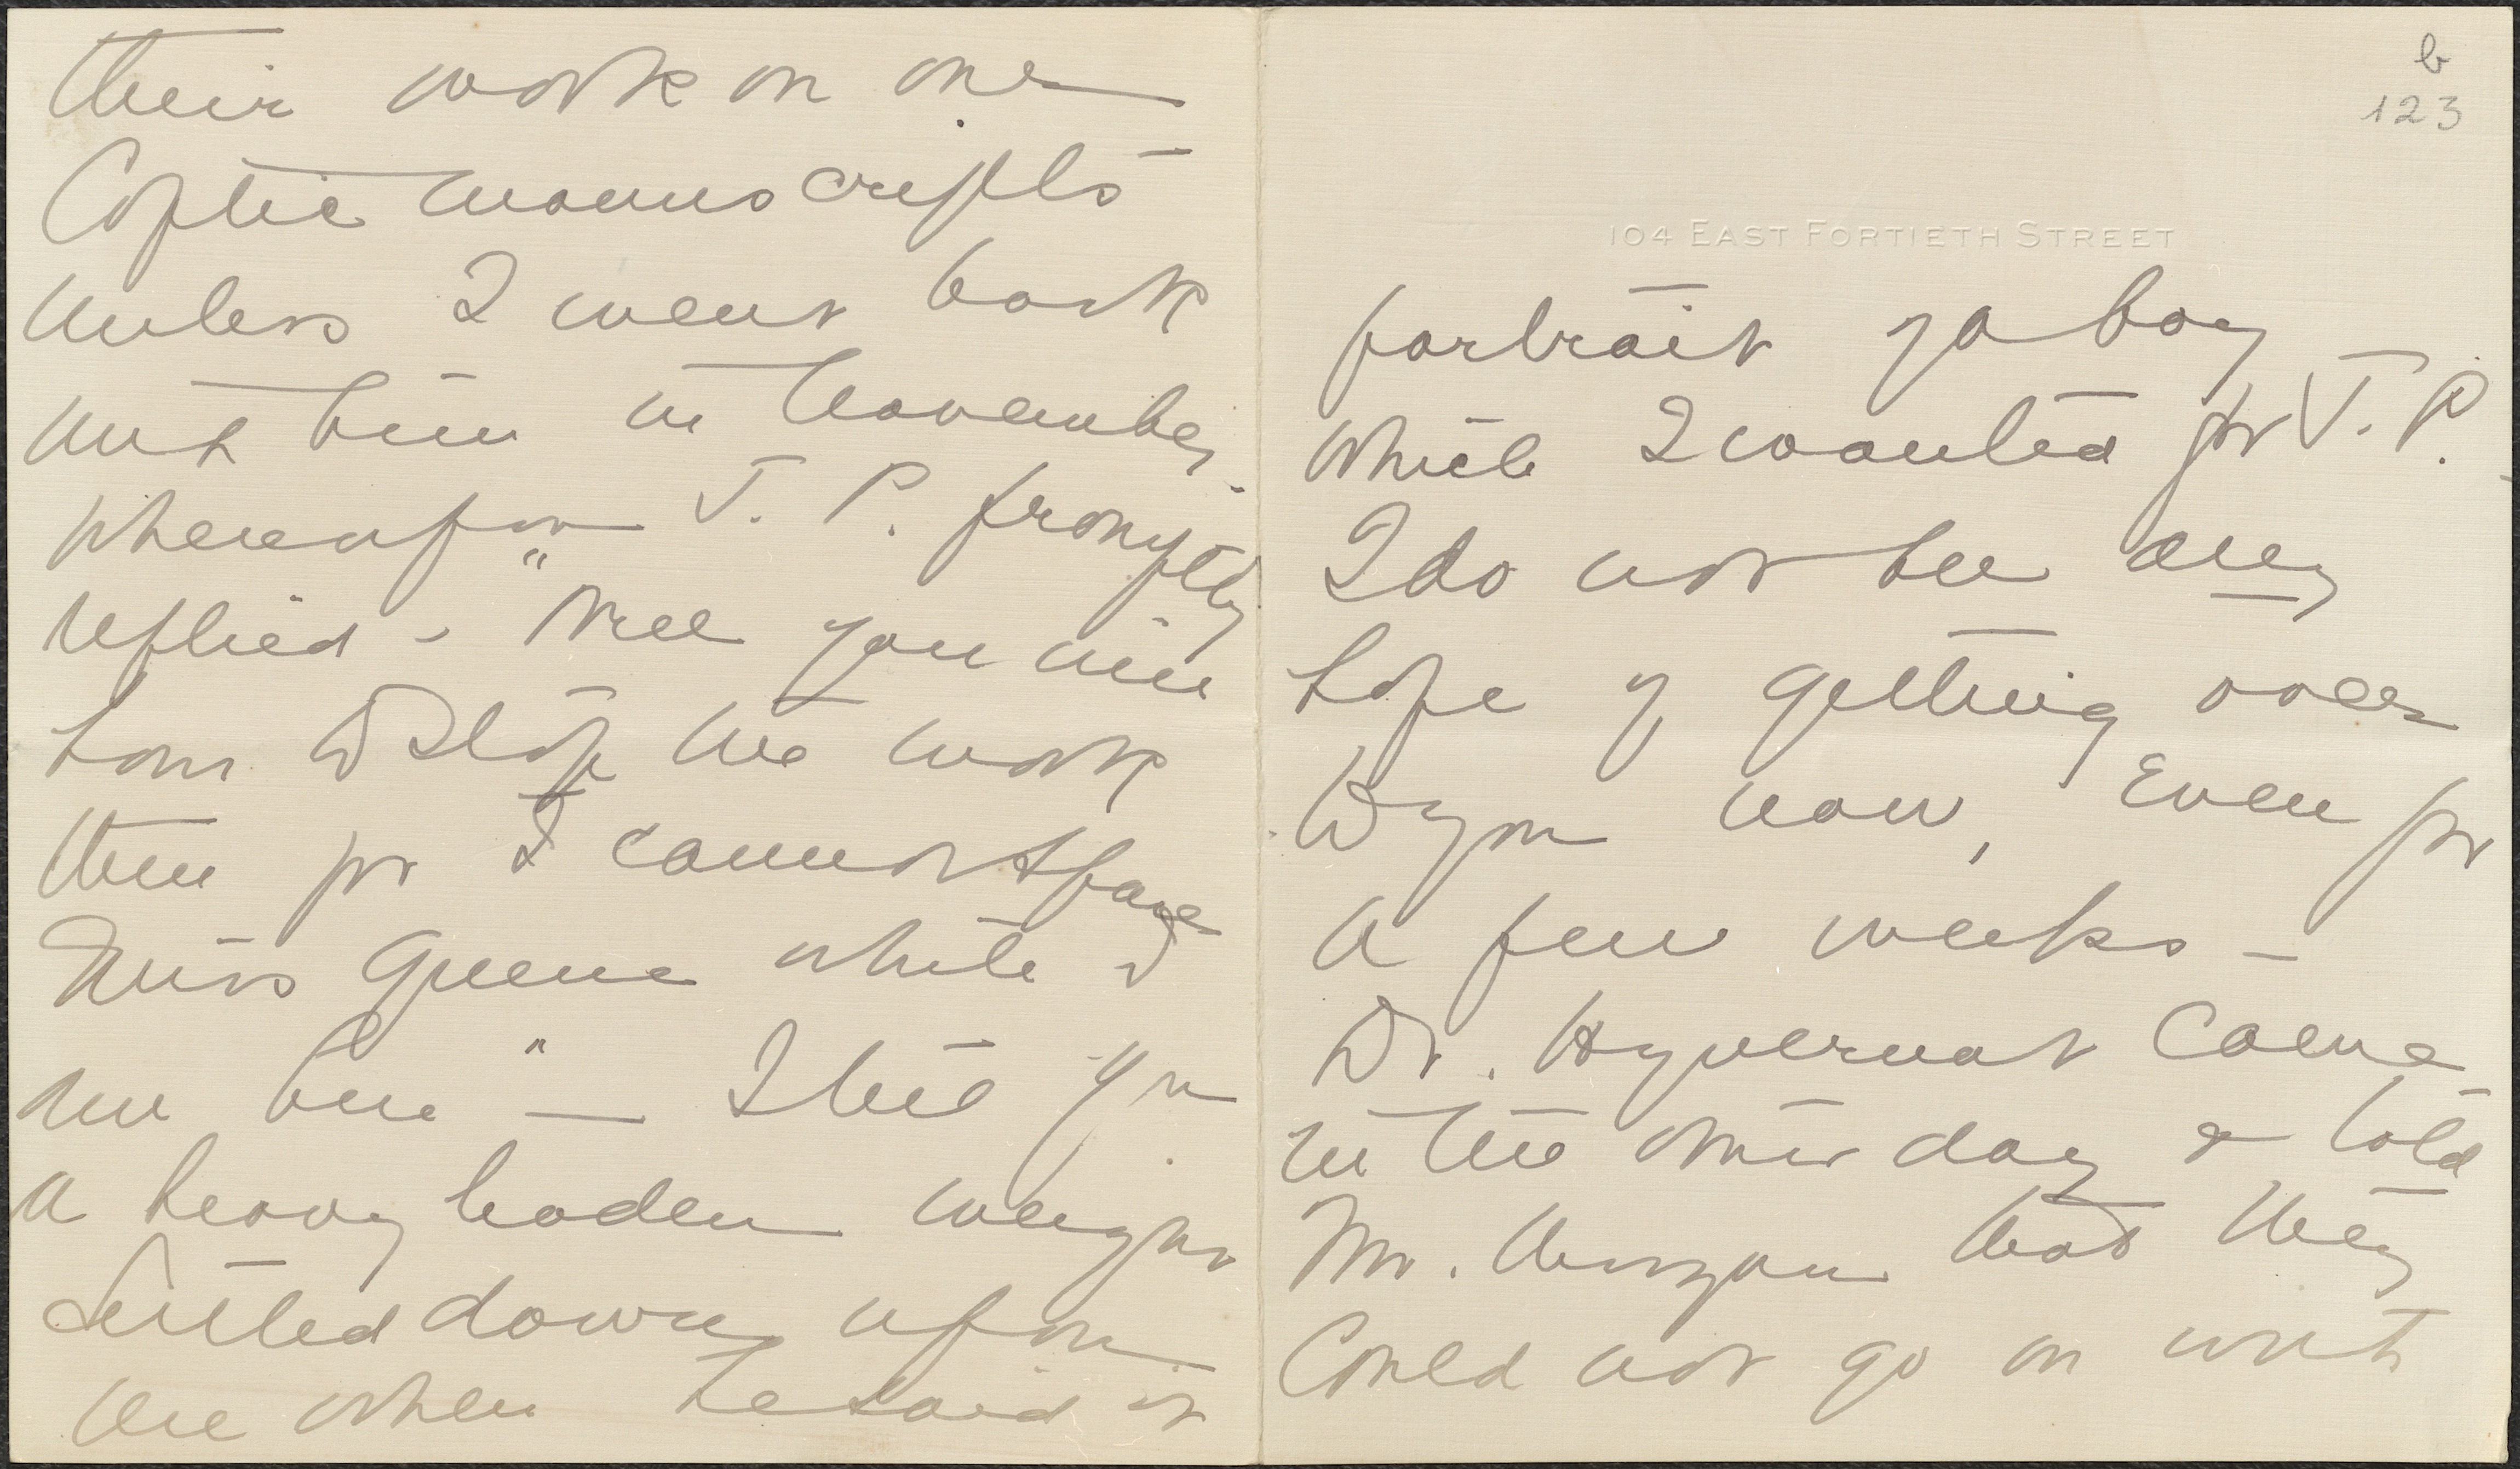portrait of a boy – which I wanted for J. P. I do not see any hope of getting over to you now, even for a few weeks –
Dr. Hyvernat came in the other day & told Mr. Morgan that they could not go on with
their work on our Coptic manuscripts unless I went back with him in November. Whereupon J. P. promptly replied – “well you will have to stop the work then for I cannot spare Miss Greene while I am here” – I tell you a heavy leaden weight settled down upon me when he said it